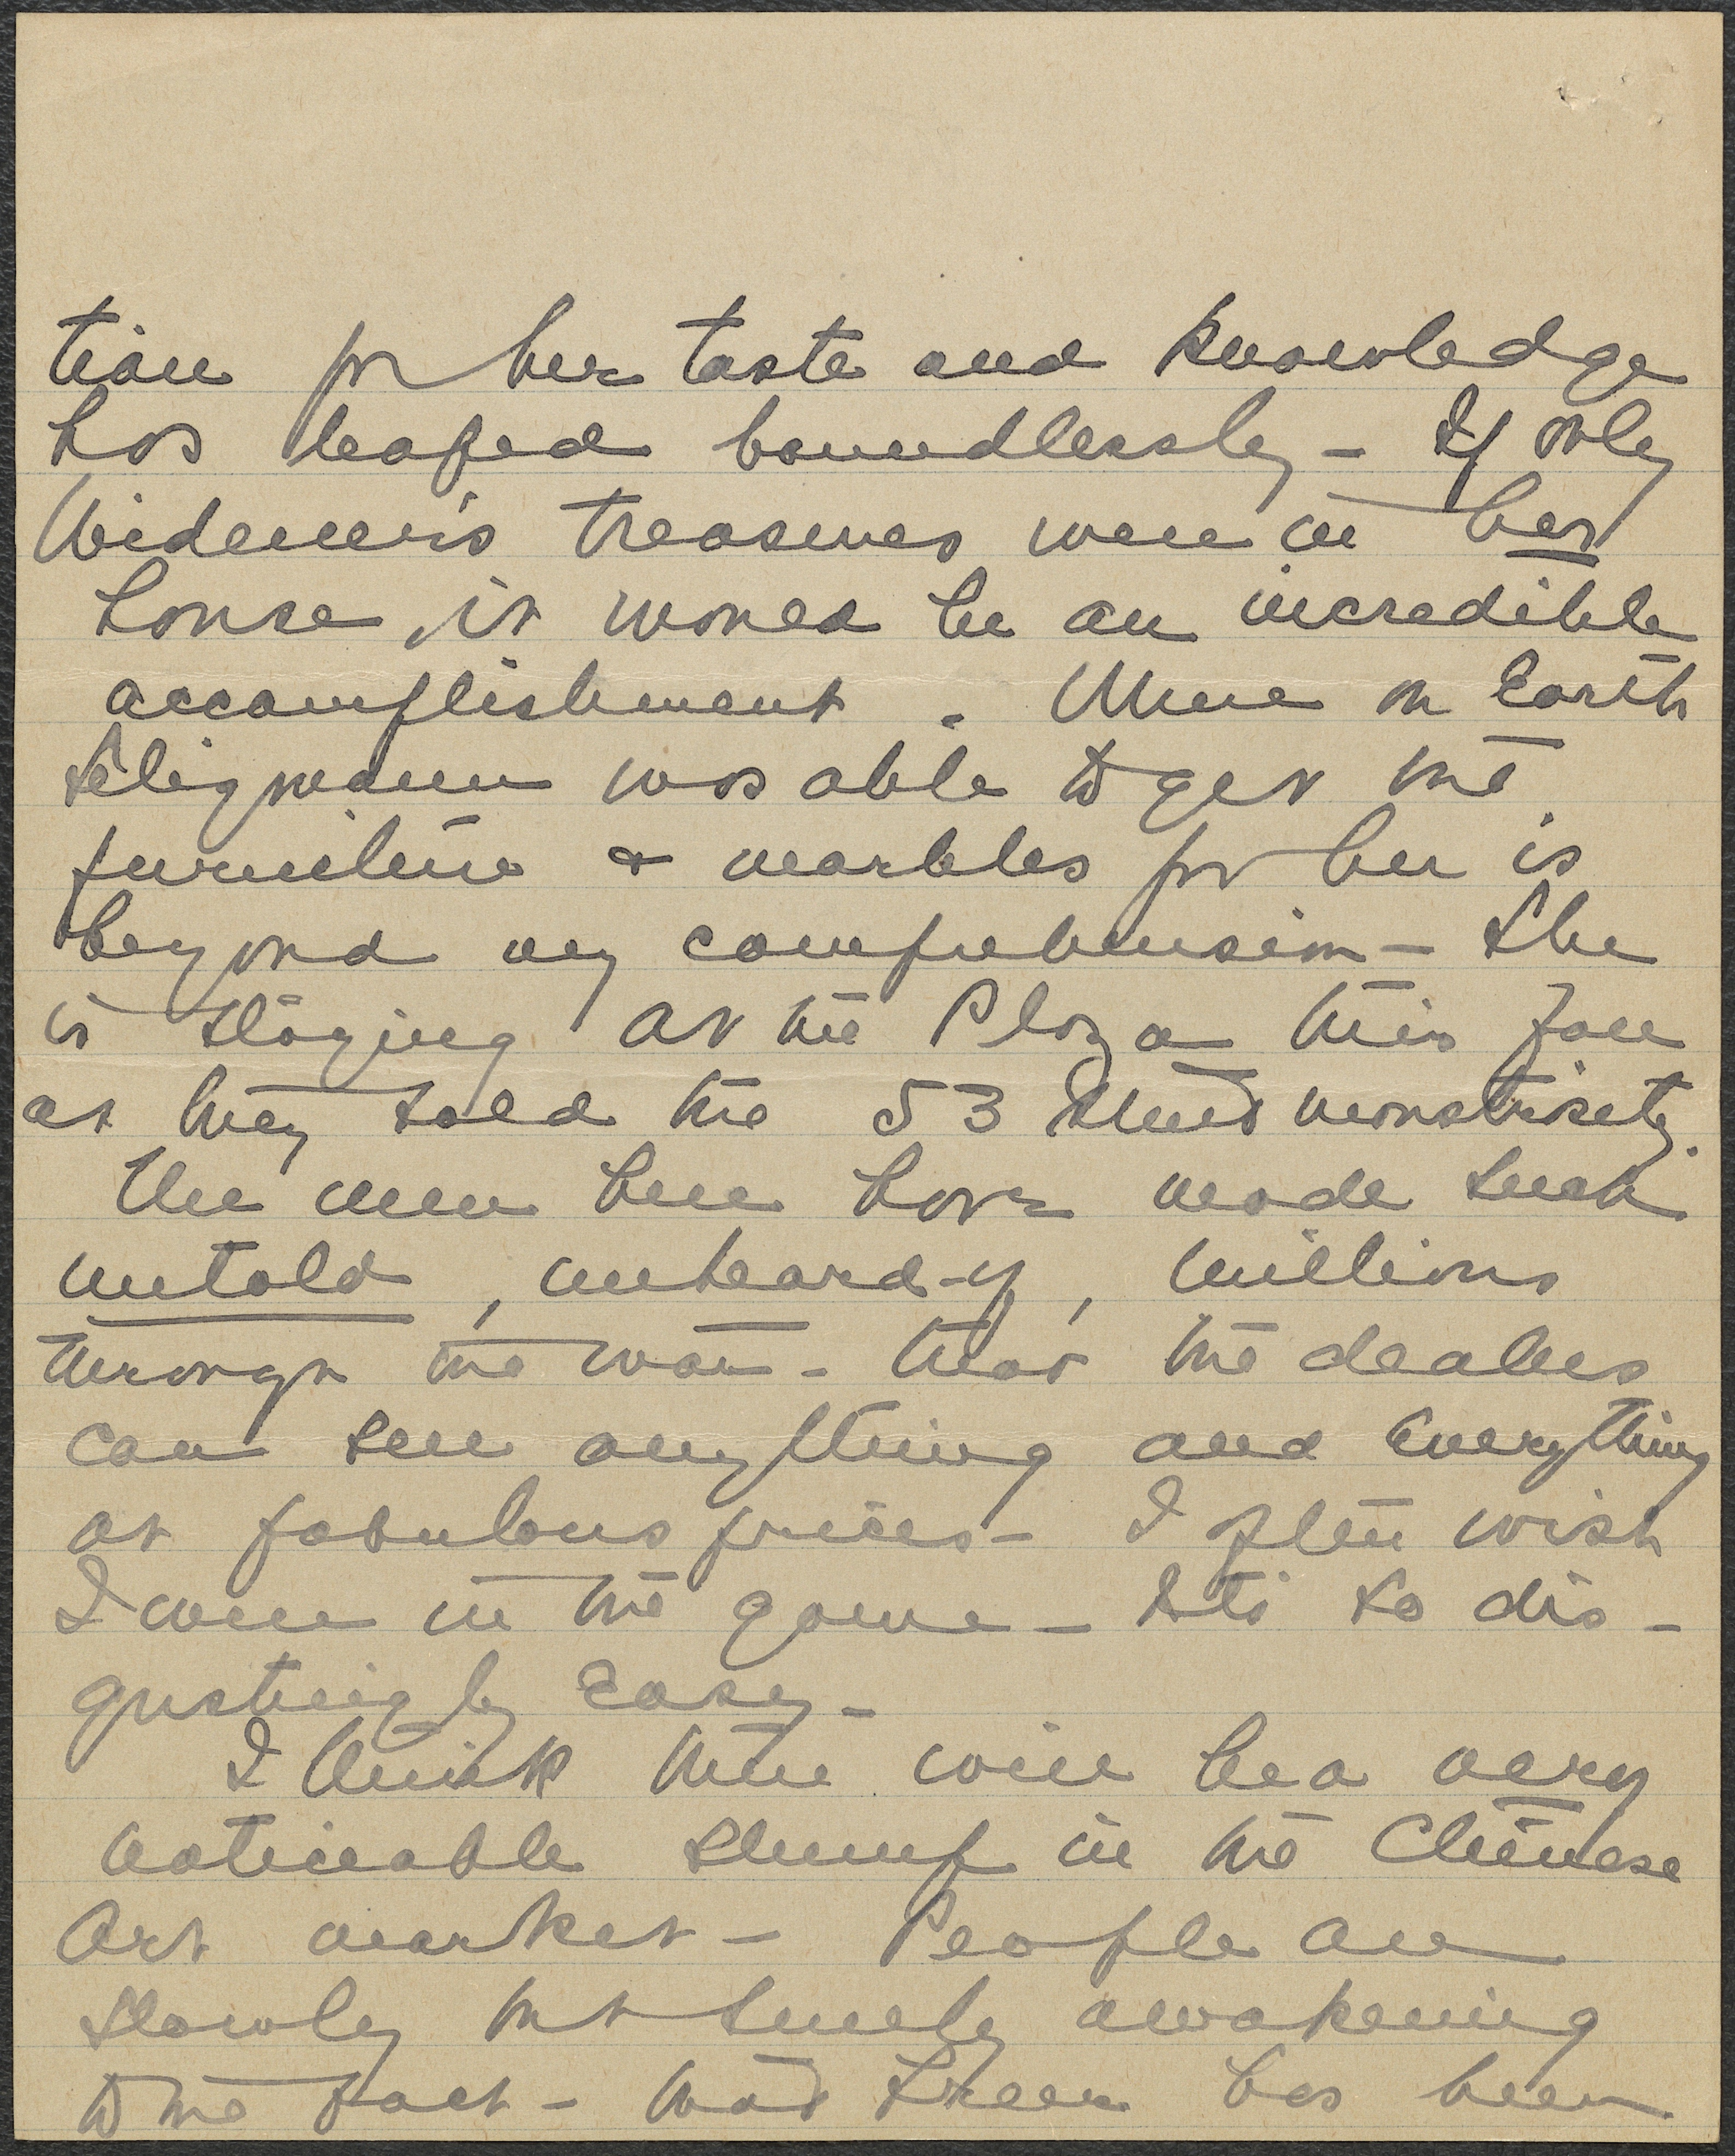admiration for her taste and knowledge has leaped boundlessly – If only Widener’s treasures were in her house it would be an incredible accomplishment. Where on earth Seligmann was able to get the furniture & marbles for her is beyond my comprehension – She is staying at the Plaza this fall as they sold the 53 street monstrosity. The men here have made such untold, unheard-of, millions through the war – that the dealers can sell anything and everything at fabulous prices – I often wish I were in the game – It’s so disgustingly easy –
I think there will be a very noticeable slump in the Chinese art market – People are slowly but surely awakening to the fact – that Freer has been